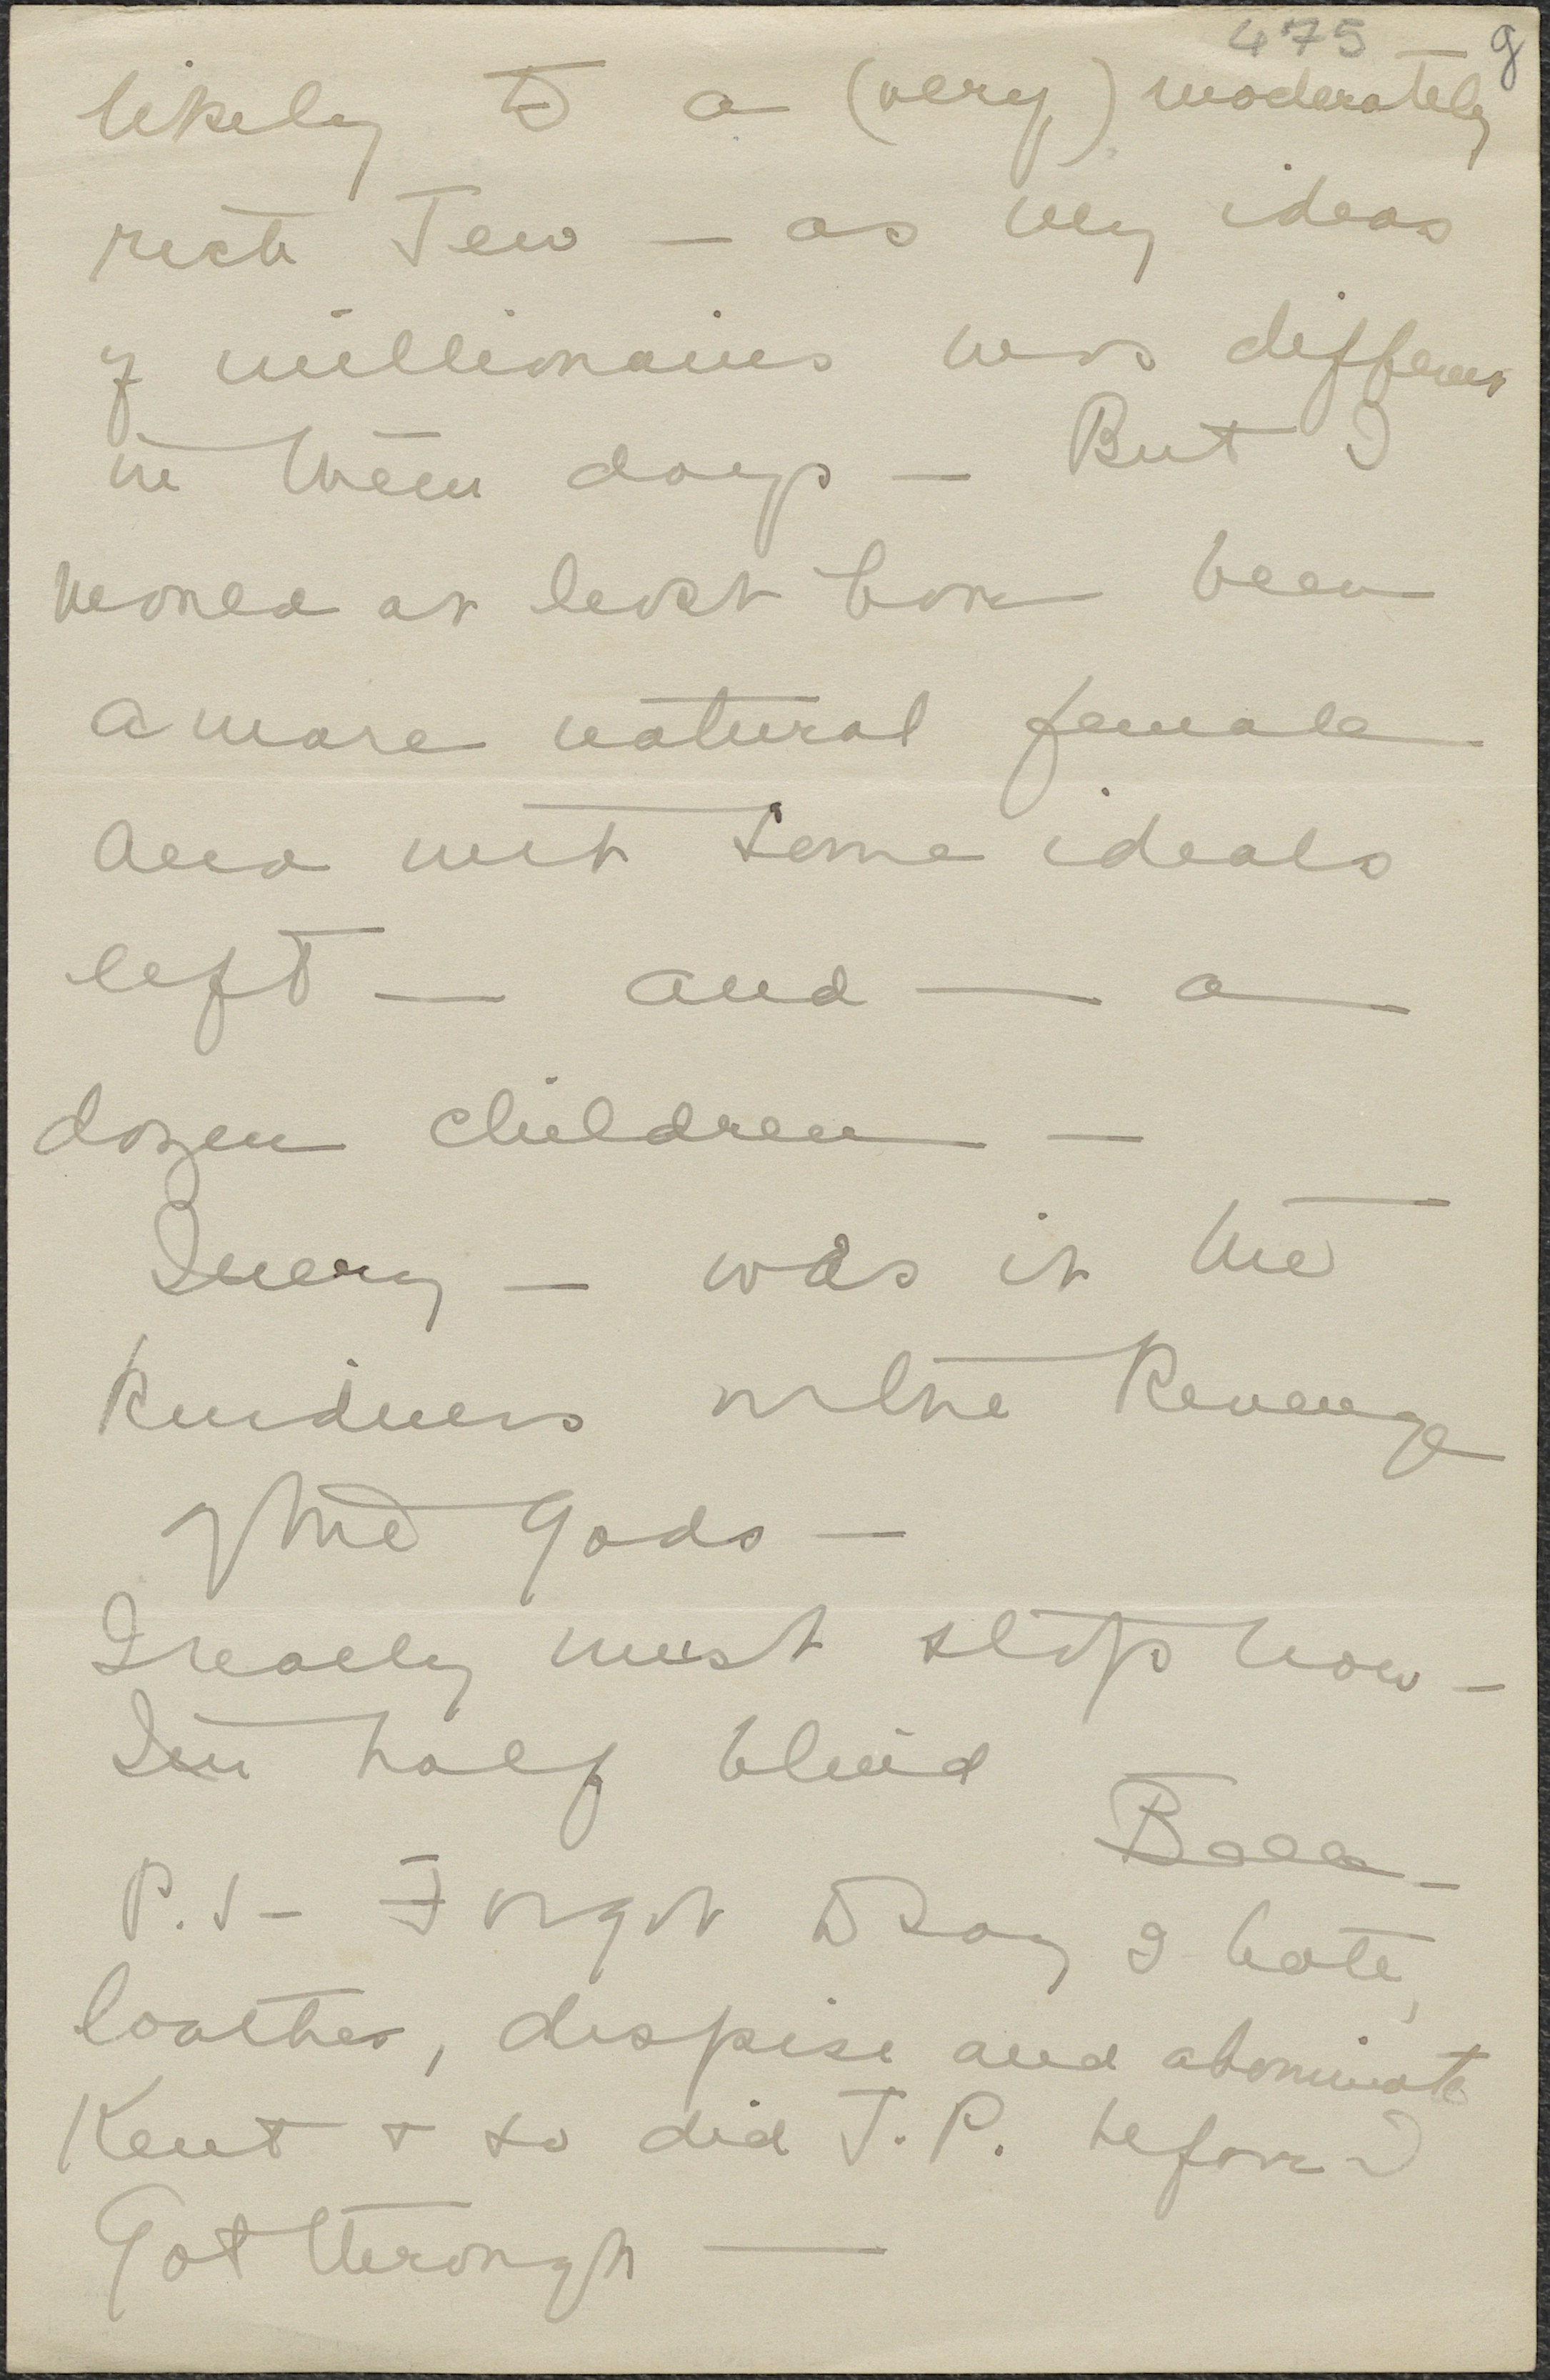likely to a (very) moderately rich Jew – as my ideas of millionaires was different in those days – But I would at least have been a more natural female and with some ideals left – and – a dozen children –
Query – was it the kindness or the Revenge of the Gods –
I really must stop now – I’m half blind
Belle –
P.S—Forgot to say I hate, loathe, despise and abominate Kent & so did J. P. before I got through –